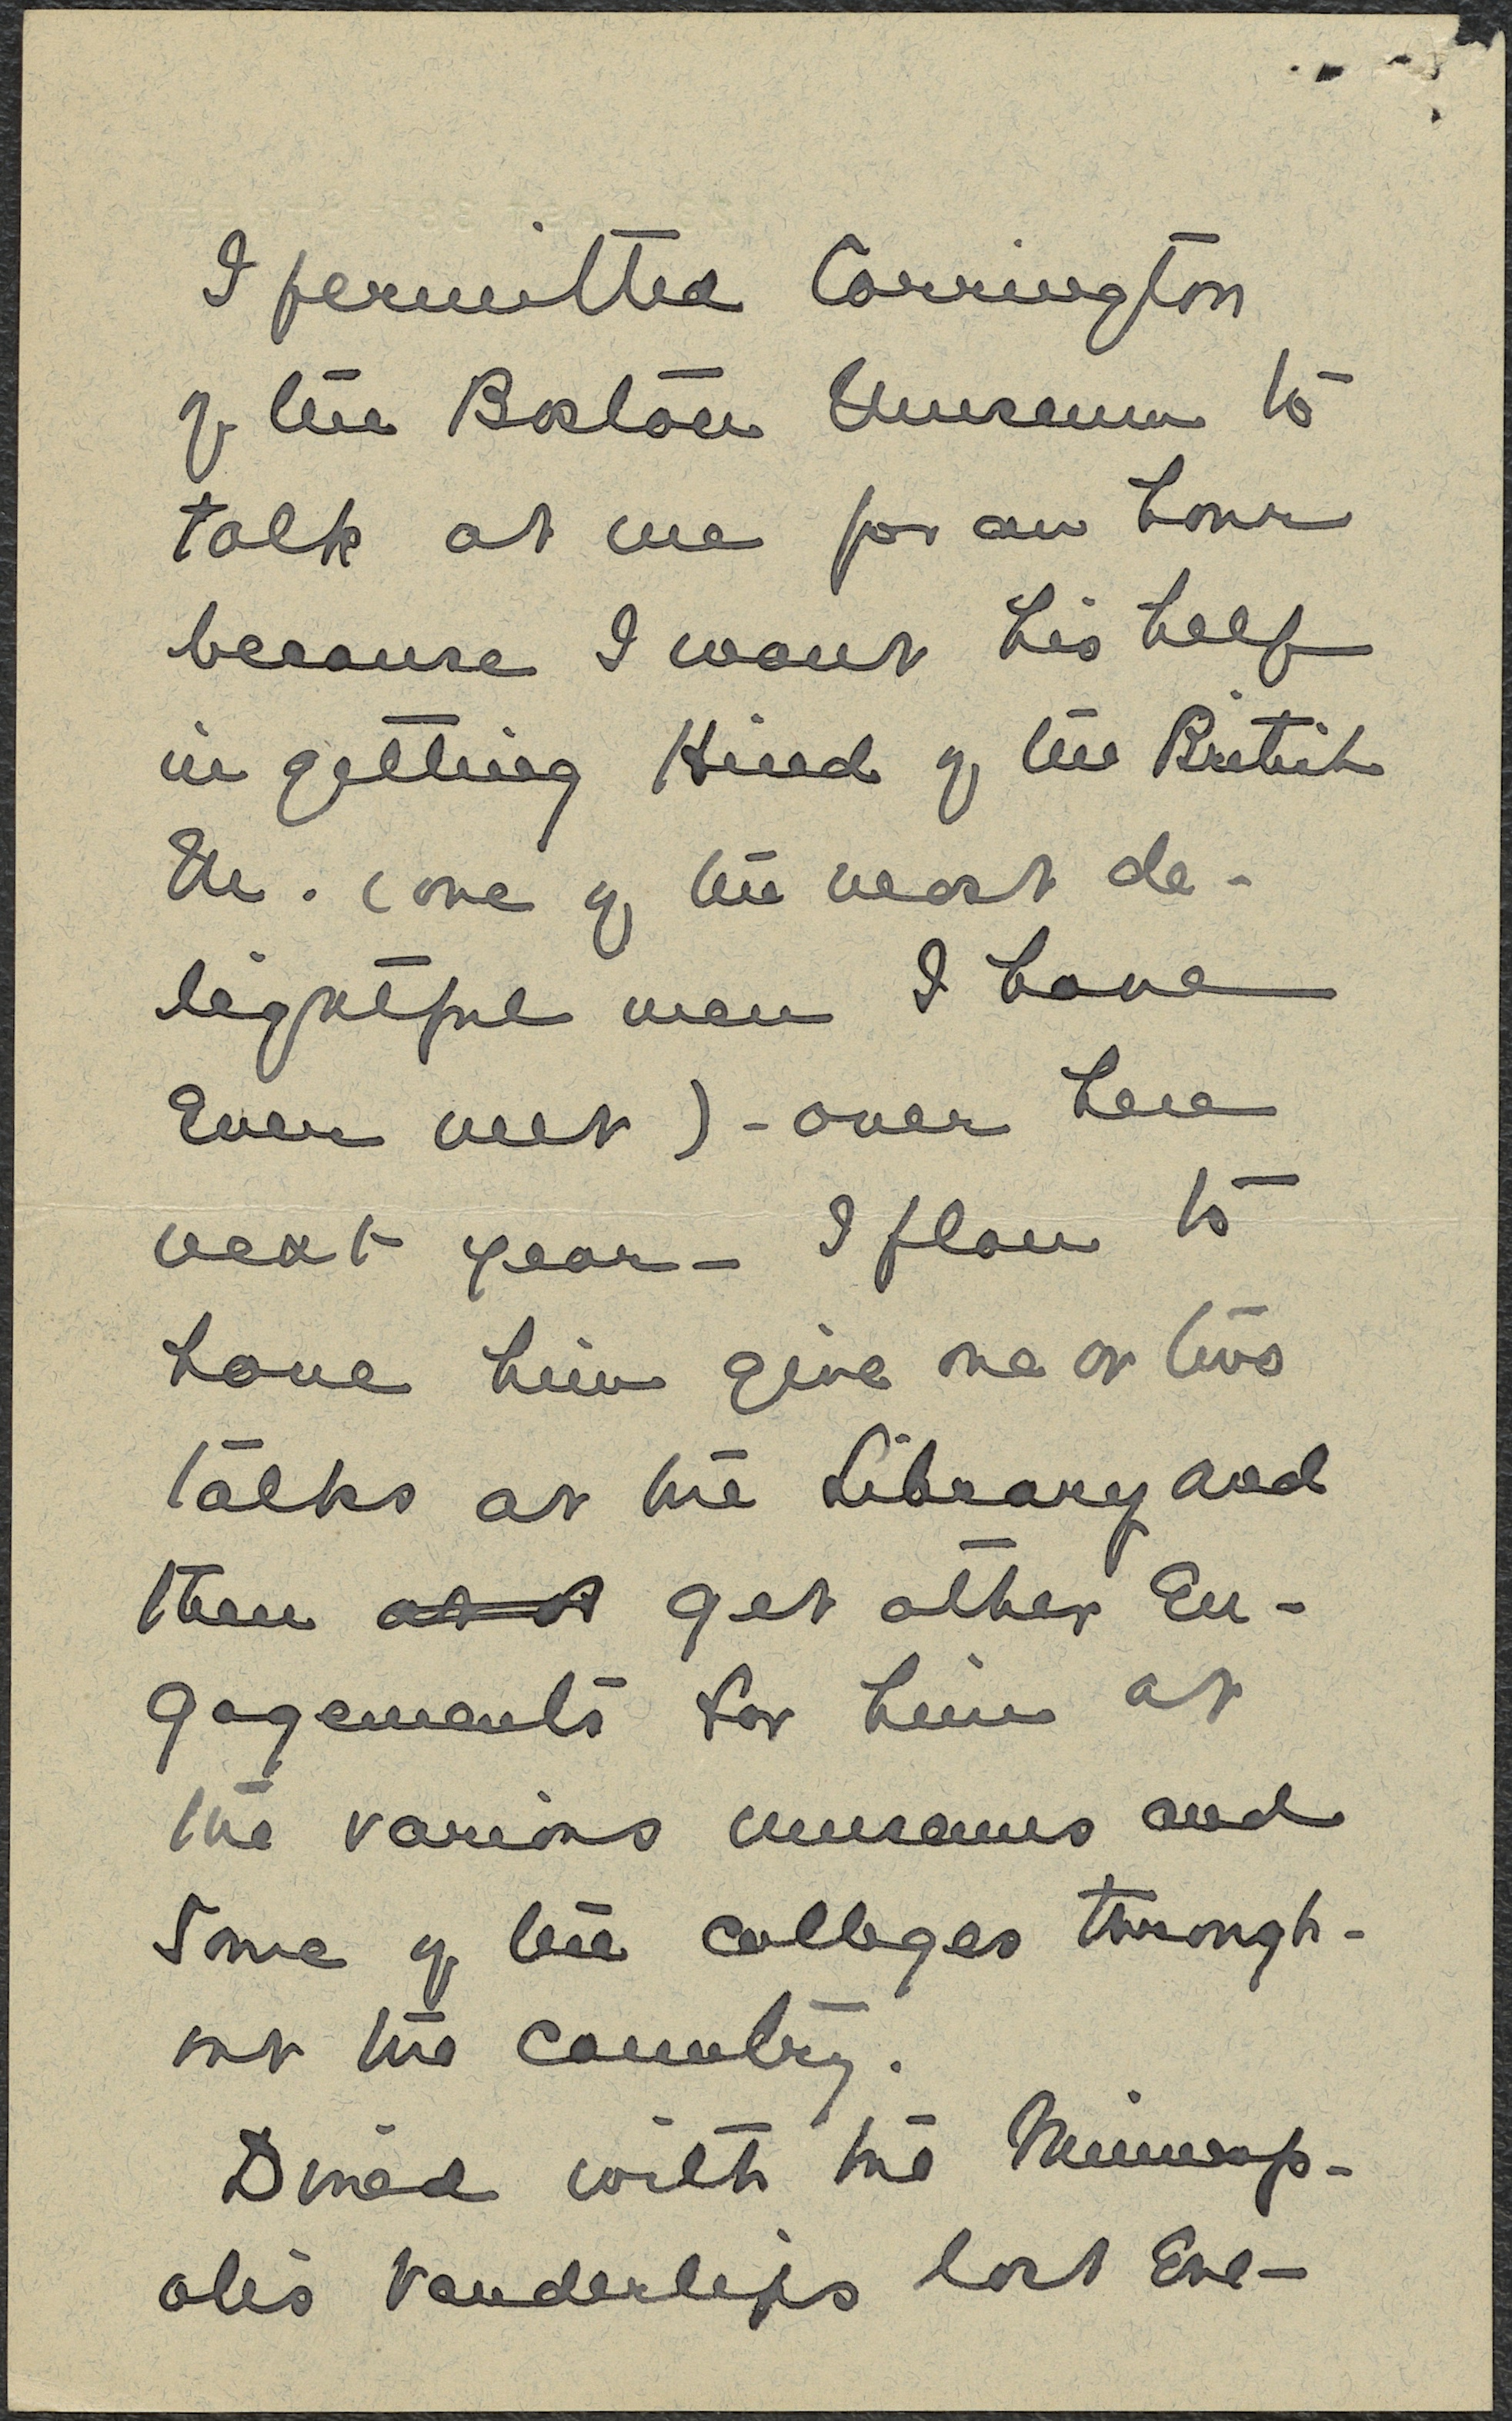I permitted Carrington of the Boston Museum to talk at me for an hour because I want his help in getting Hind of the British M. (one of the most delightful men I have ever met) – over here next year – I plan to have him give one or two talks at the Library and then at [illegible deletion] get other engagements for him at the various museums and some of the colleges throughout the country.
Dined with the Minneapolis Vanderlips last evening